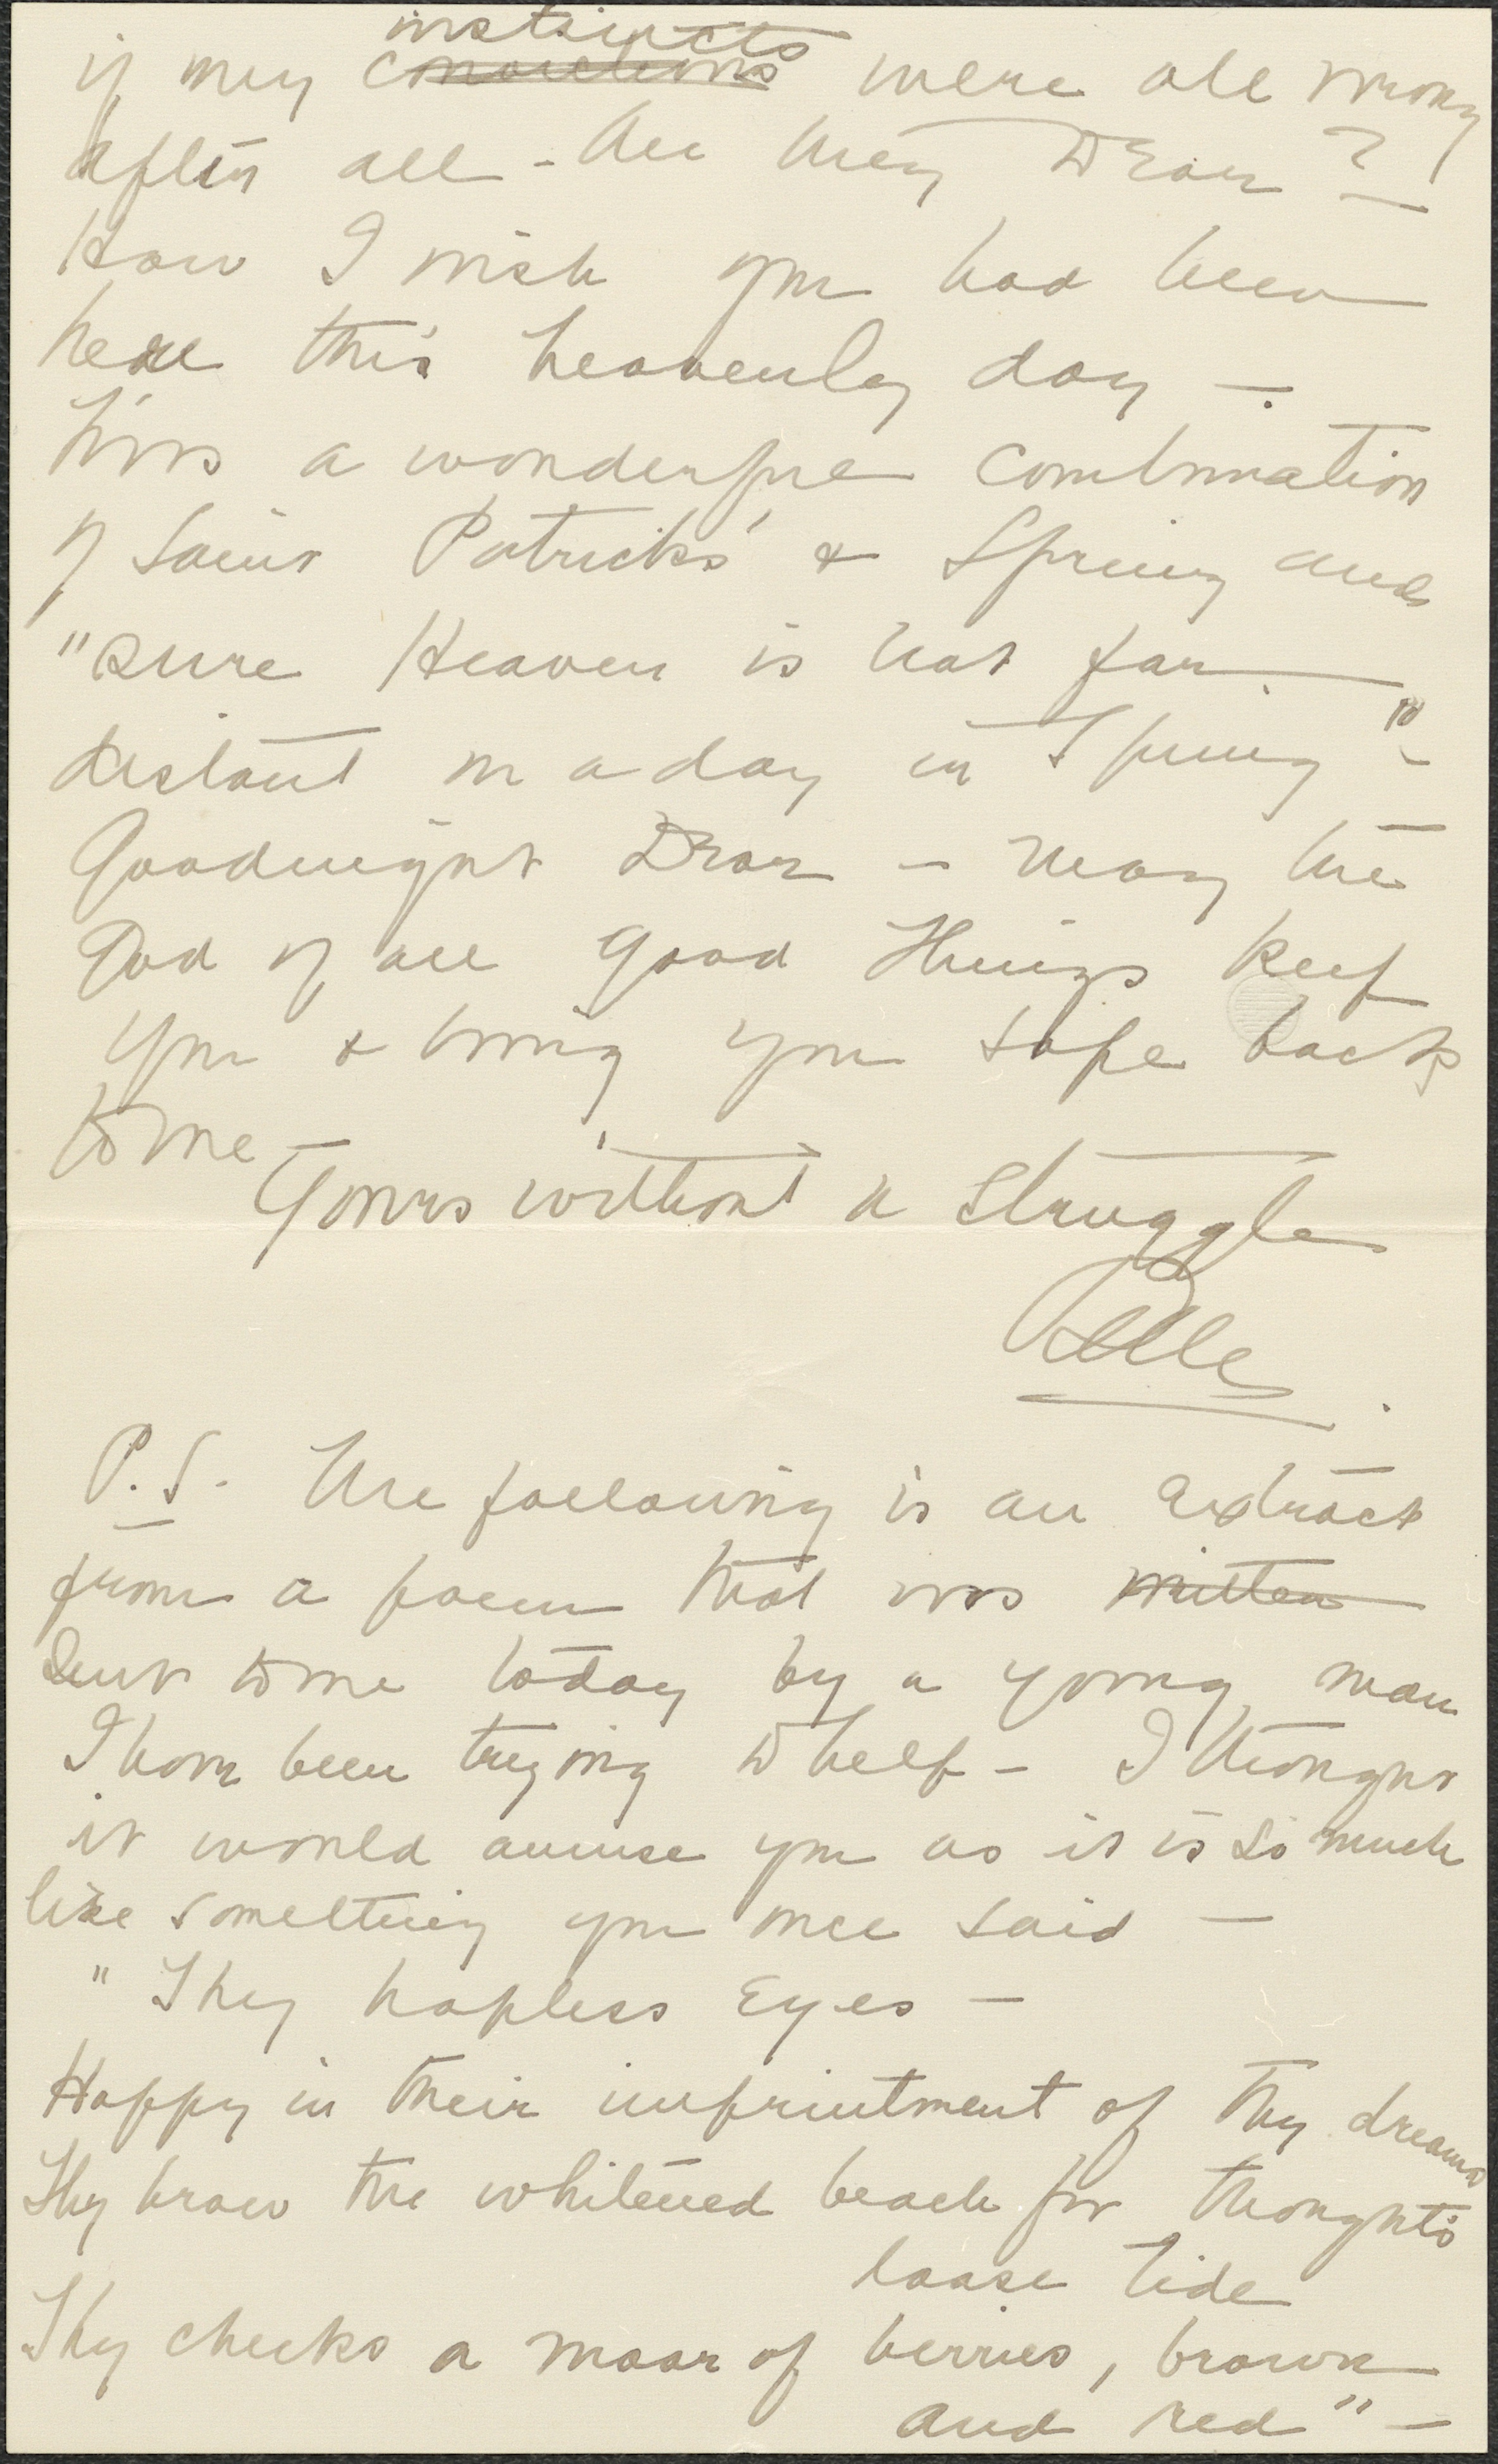if my convictions ˆinstinctsˆ were all wrong after all – Are they Dear? – How I wish you had been here this heavenly day – This a wonderful combination of Saint Patricks’ & Spring and “sure Heaven is not far distant on a day in Spring” – Goodnight Dear – may the God of all Good Things keep you & bring you safe back to me –
Yours without a struggle
Belle.
P.S. The following is an extract from a poem that was written sent to me today by a young man I have been trying to help – I thought it would amuse you as it is so much like something you once said –
“Thy hapless eyes –
Happy in their imprintment of thy dreams
Thy brow the whitened beach for thought’s loose tide
Thy cheeks a moor of berries, brown and red” –